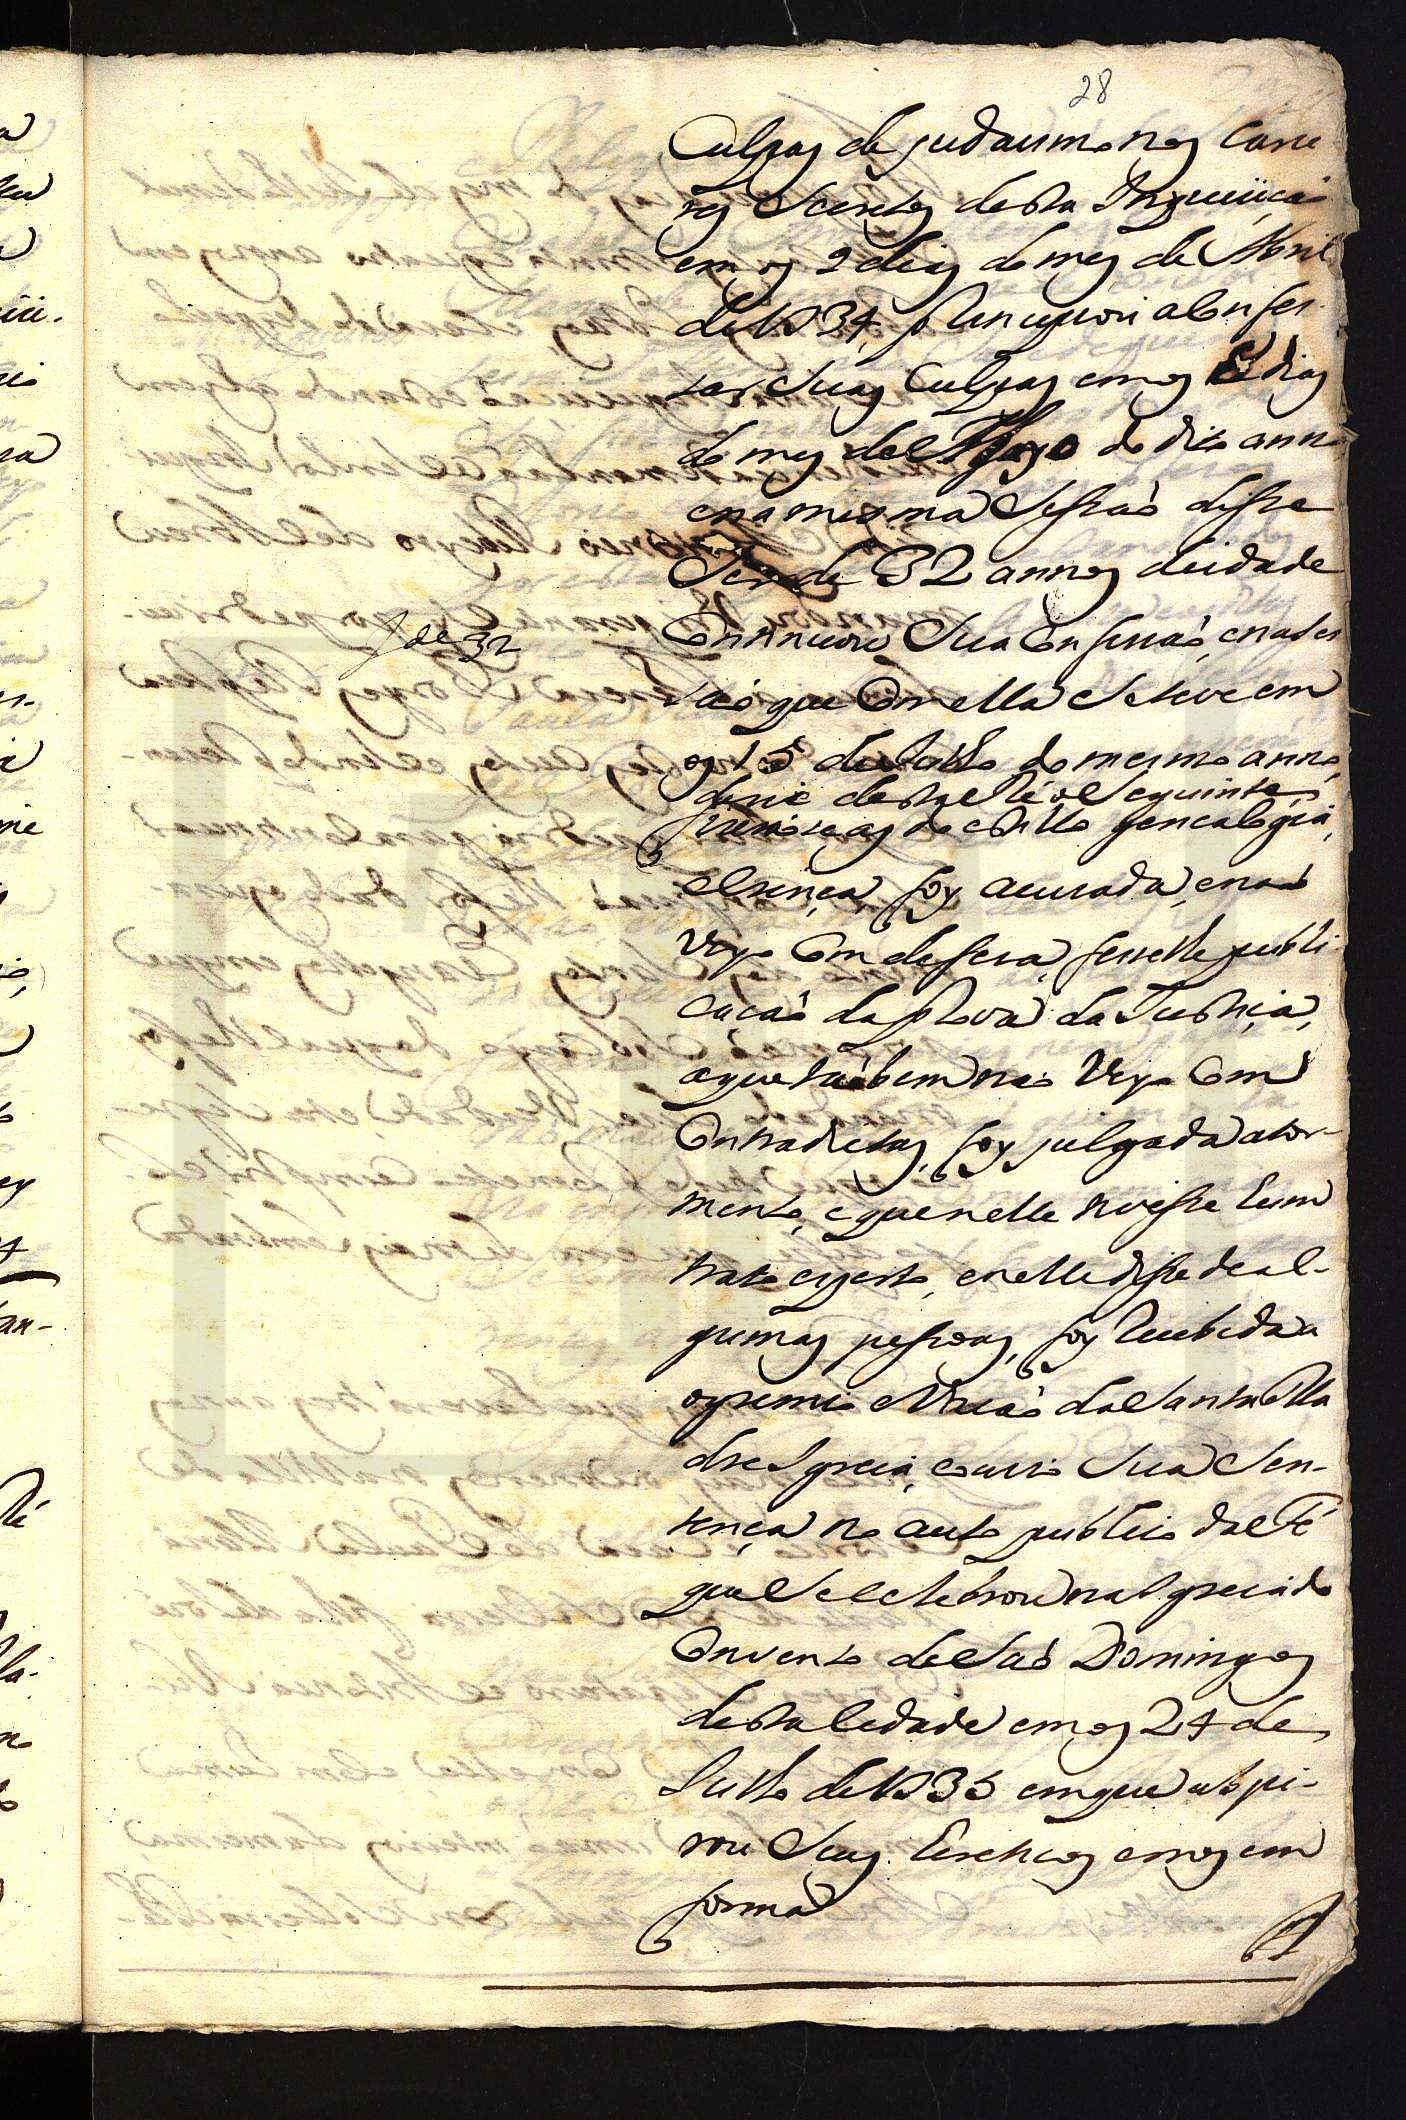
Culpas de judaismo nos carce
res secretos desta Inquiziçaõ
em os 9 dias do mes de Abril
de 1734, prencipiou a confes
sar suas culpas em os _ dias
do mes de Mayo do dito anno
e na mesma sessaõ disse
ser de 32 annos de idade
Continuou sua confessaõ, e na ses
Jde 32
saõ que Com ella se teve em
os 15 de Iulho do mesmo anno,
disse desta Ré o seguinte,
Fizeraõse as do estillo genealogia,
e crença, foy acuzada, e naõ
veyo com defeza, fesselhe publi
caçaõ da pRova da Iustiça,
a que taõbem naõ Veyo com
Contraditas, foy julgada a tor
mento, e que nelle tivesse hum
trato esperto, e nelle disse de al
gumas pessoas, foy Recebida a
o gremio e Vniaõ da santa Ma
dre Igreia e ouvio sua sen
tença no auto publico da Fé
que se celebrou na Igreia do
Convento de Saõ Domingos
desta Cidade em os 24 de
Iulho de 1735 em que abju
rou seus hereticos erros em
forma
A
